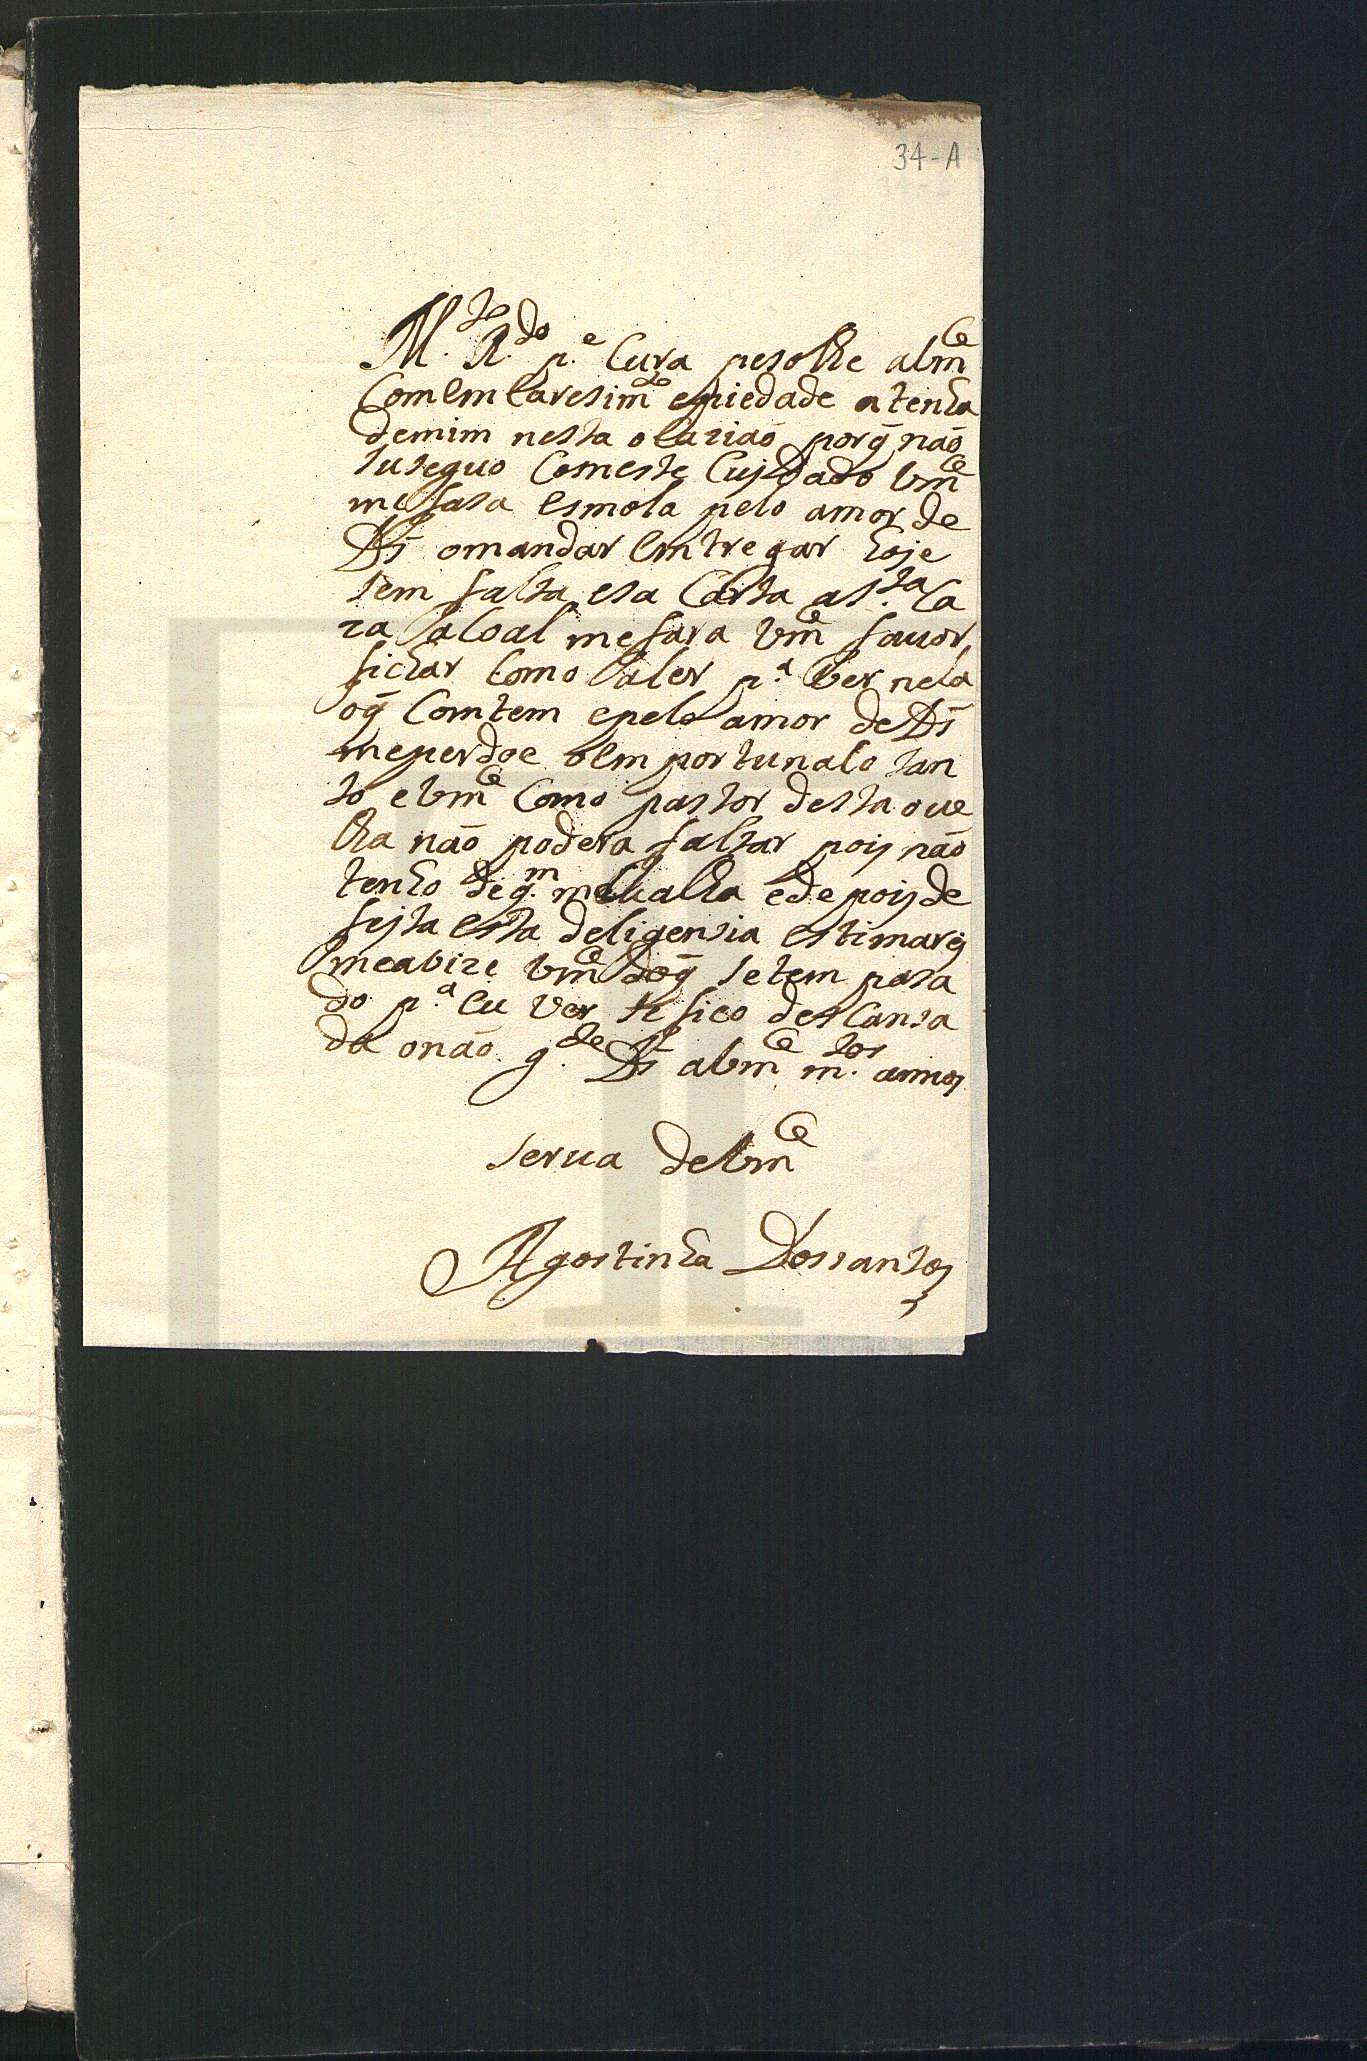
M.to R.do p.e Cura pesolhe a vmce
Com emCaresimto e piedade a tenha
de mim nesta oCaziaõ porq̄ naõ
suseguo Com este Cujdado vmce
me fasa esmola pelo amor de
Ds̄ o mandar emtregar hoje
sem falta esa Carta a s.ta Ca
za a Coal me fara vmce fauor,
fichar Como a ler p.a ver nela
o q̄ Comtem e pelo amor de Ds̄
me perdoe o emportunalo tan
to e vmce Como pastor desta oue
lha naõ podera faltar pois naõ
tenho de q.m me ualha e depois de
fejta esta deligensia estimarej
me avize vmce do q̄ se tem pasa
do p.a eu ver se fico descansa
da o naõ. g.de Ds̄ a Vmce m.tos annos
Serua de Vmce
Agostinha Dos santos
